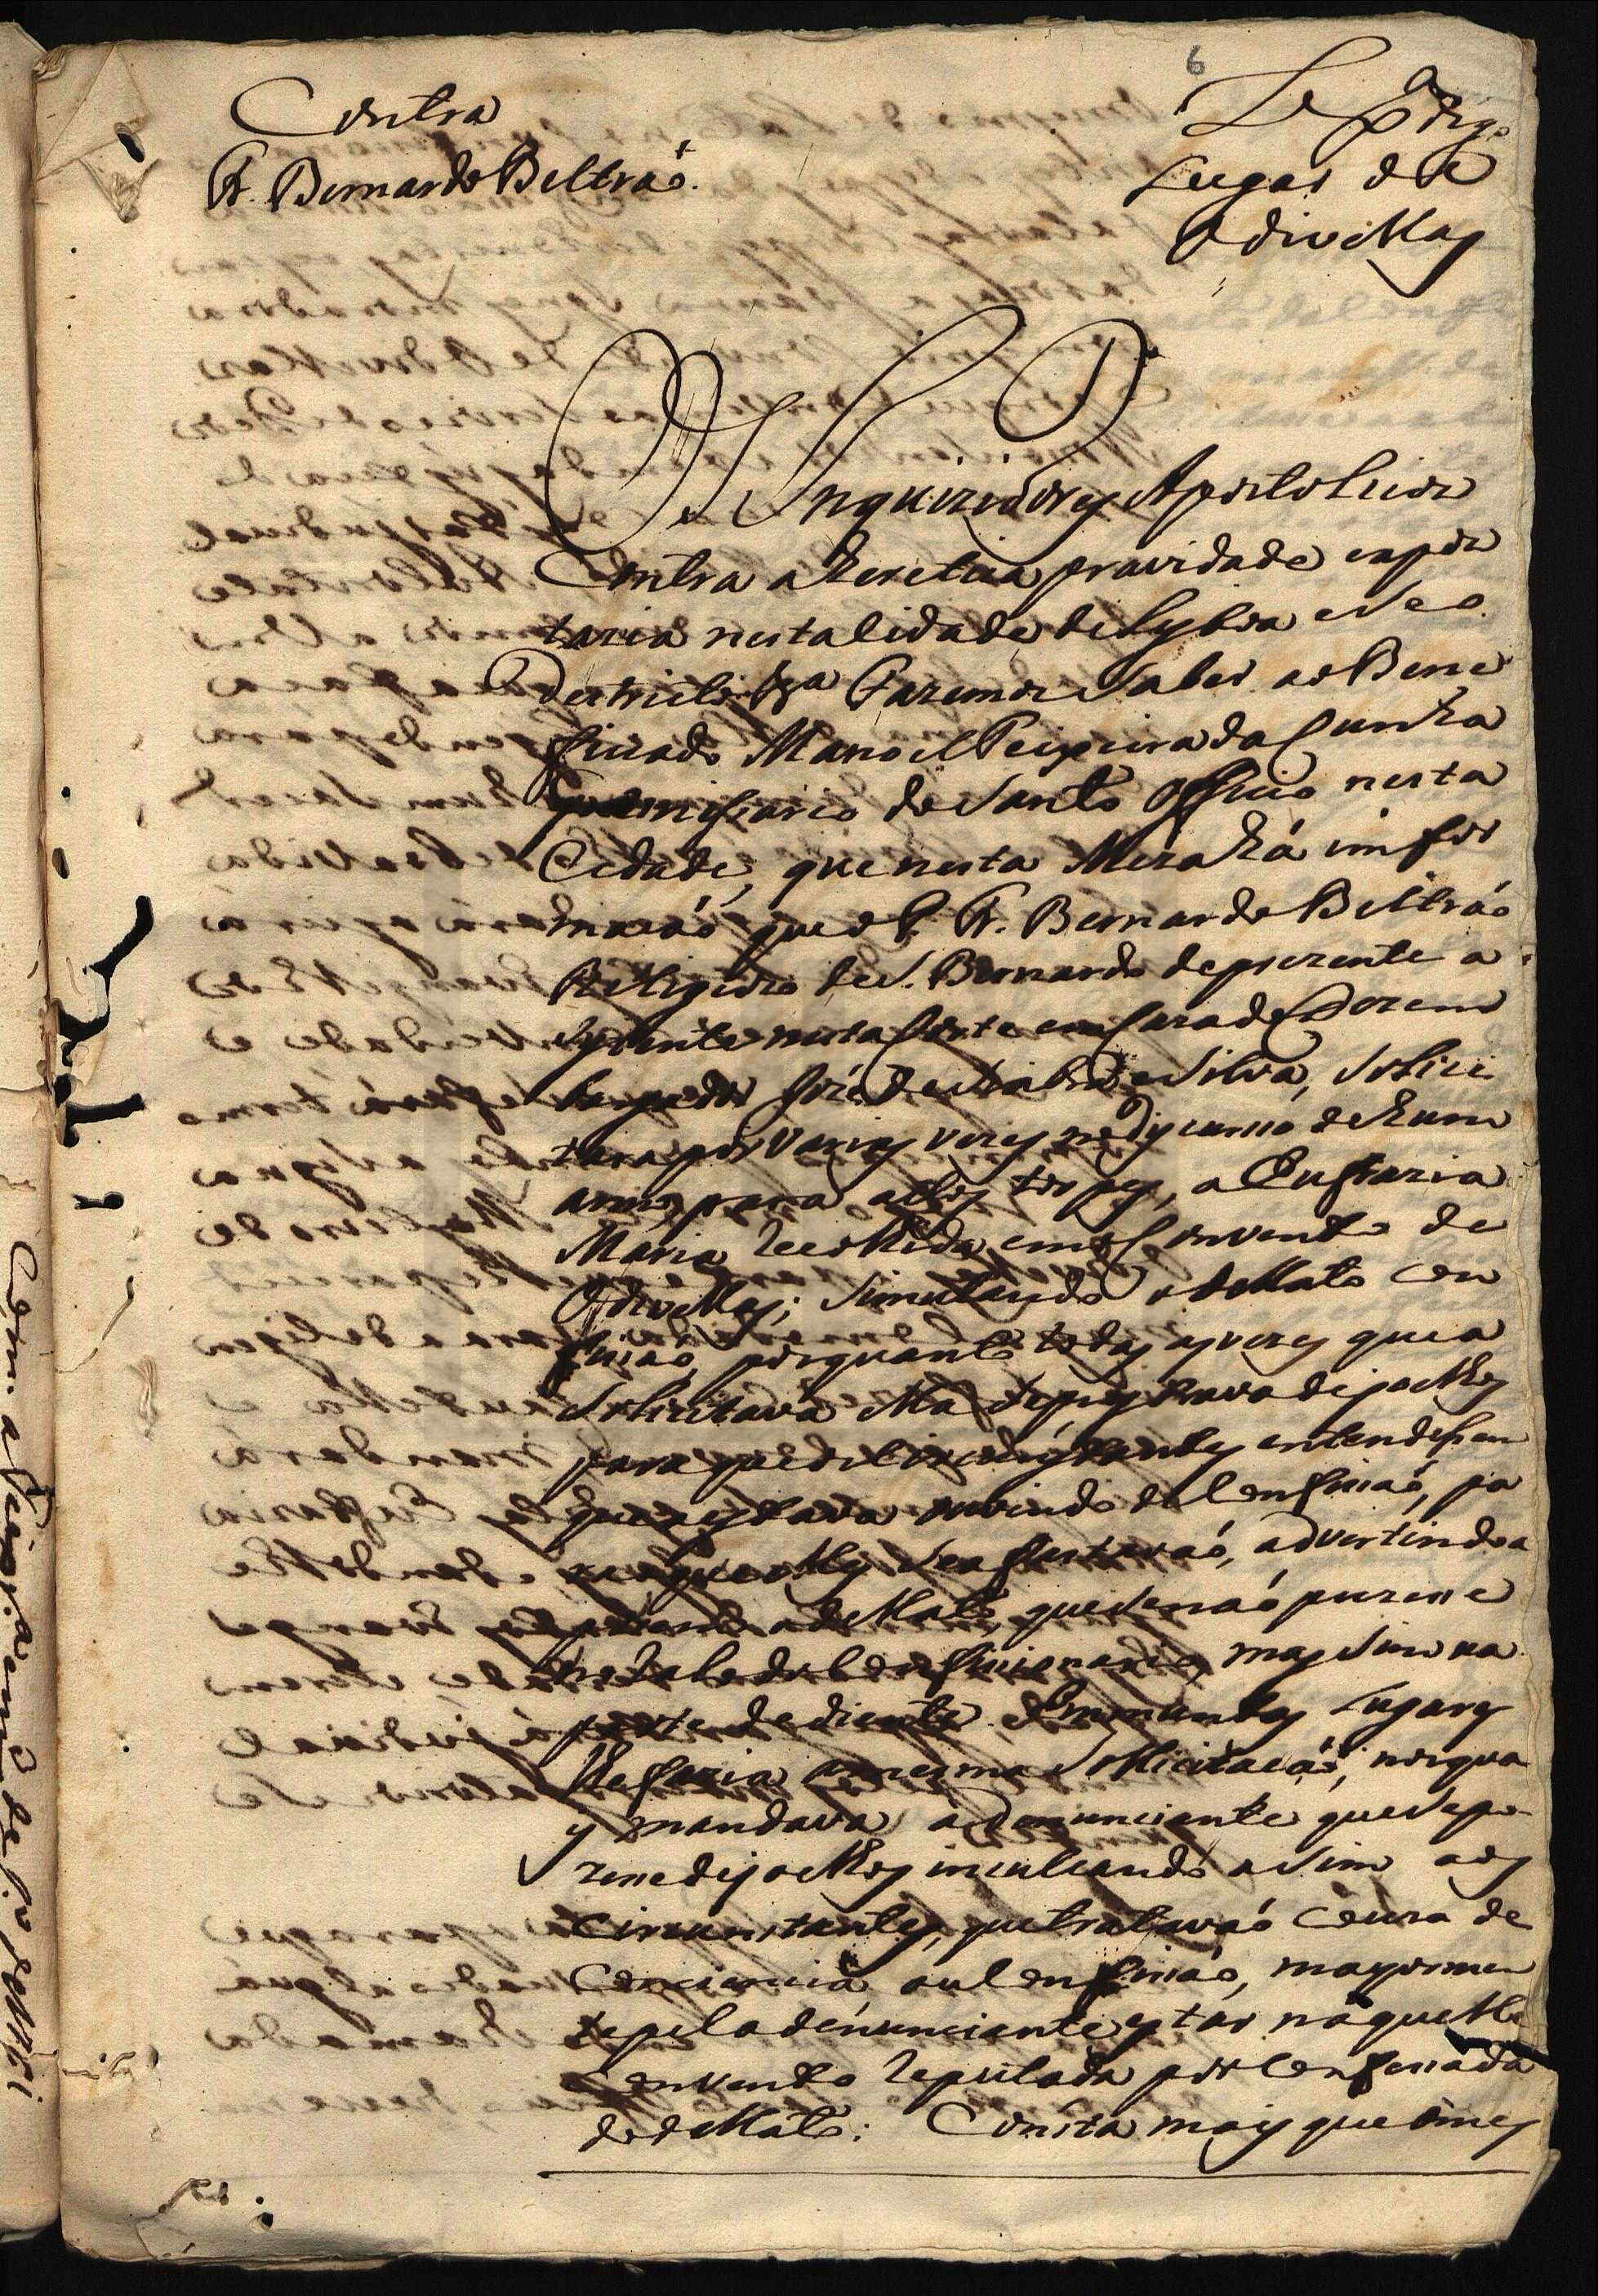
Contra
Lix.a digo
Lugar de
Fr. Bernardo Beltraõ.
Odivellas
Os Inquizidores Apostolicos
Contra a heretica pravidade e apos
tazia nesta Cidade de Lisboa e seo
destricto &a Fazemos saber ao Bene
ficiado Manoel Teixeira da Cunha
__nissario do santo officio nesta
Cidade, que nesta Meza há imfor
macão que o P. Fr. Bernardo Beltraõ
Religiozo de S. Bernardo de prezente a
sistente nesta Corte em Caza do Dezem
bargador Jozé de Sintra e Silva, solici
tara por varias vezes no discursso de hum
anno para actos torpes, a Eufrazia
Maria Recolhida em o Convento de
Odivellas; simulando o Dellato con
fissaõ porquanto todas as vezes que a
solicitava ella se prostrava de joelhos
para que os circunstantes entendessem
que a estava ouvindo de confissaõ, pa
ra que elles se afastavaõ, advertindoa
porem o dellato, que se naõ puzesse
no Ralo do Confissionario, mas sim na
parte de diante e em muntos Lugares
lhe fazia a mesma sollicitação; nos qua
es mandava a denunciante que se po
zesse de joelhos inculcando asim aos
circunstantes, que tratavaõ couza de
conciencia, ou confissaõ, mayormen
te pela denunciante estar naquelle
convento Reputada por confessada
do dellato; Consta mais que o mes
